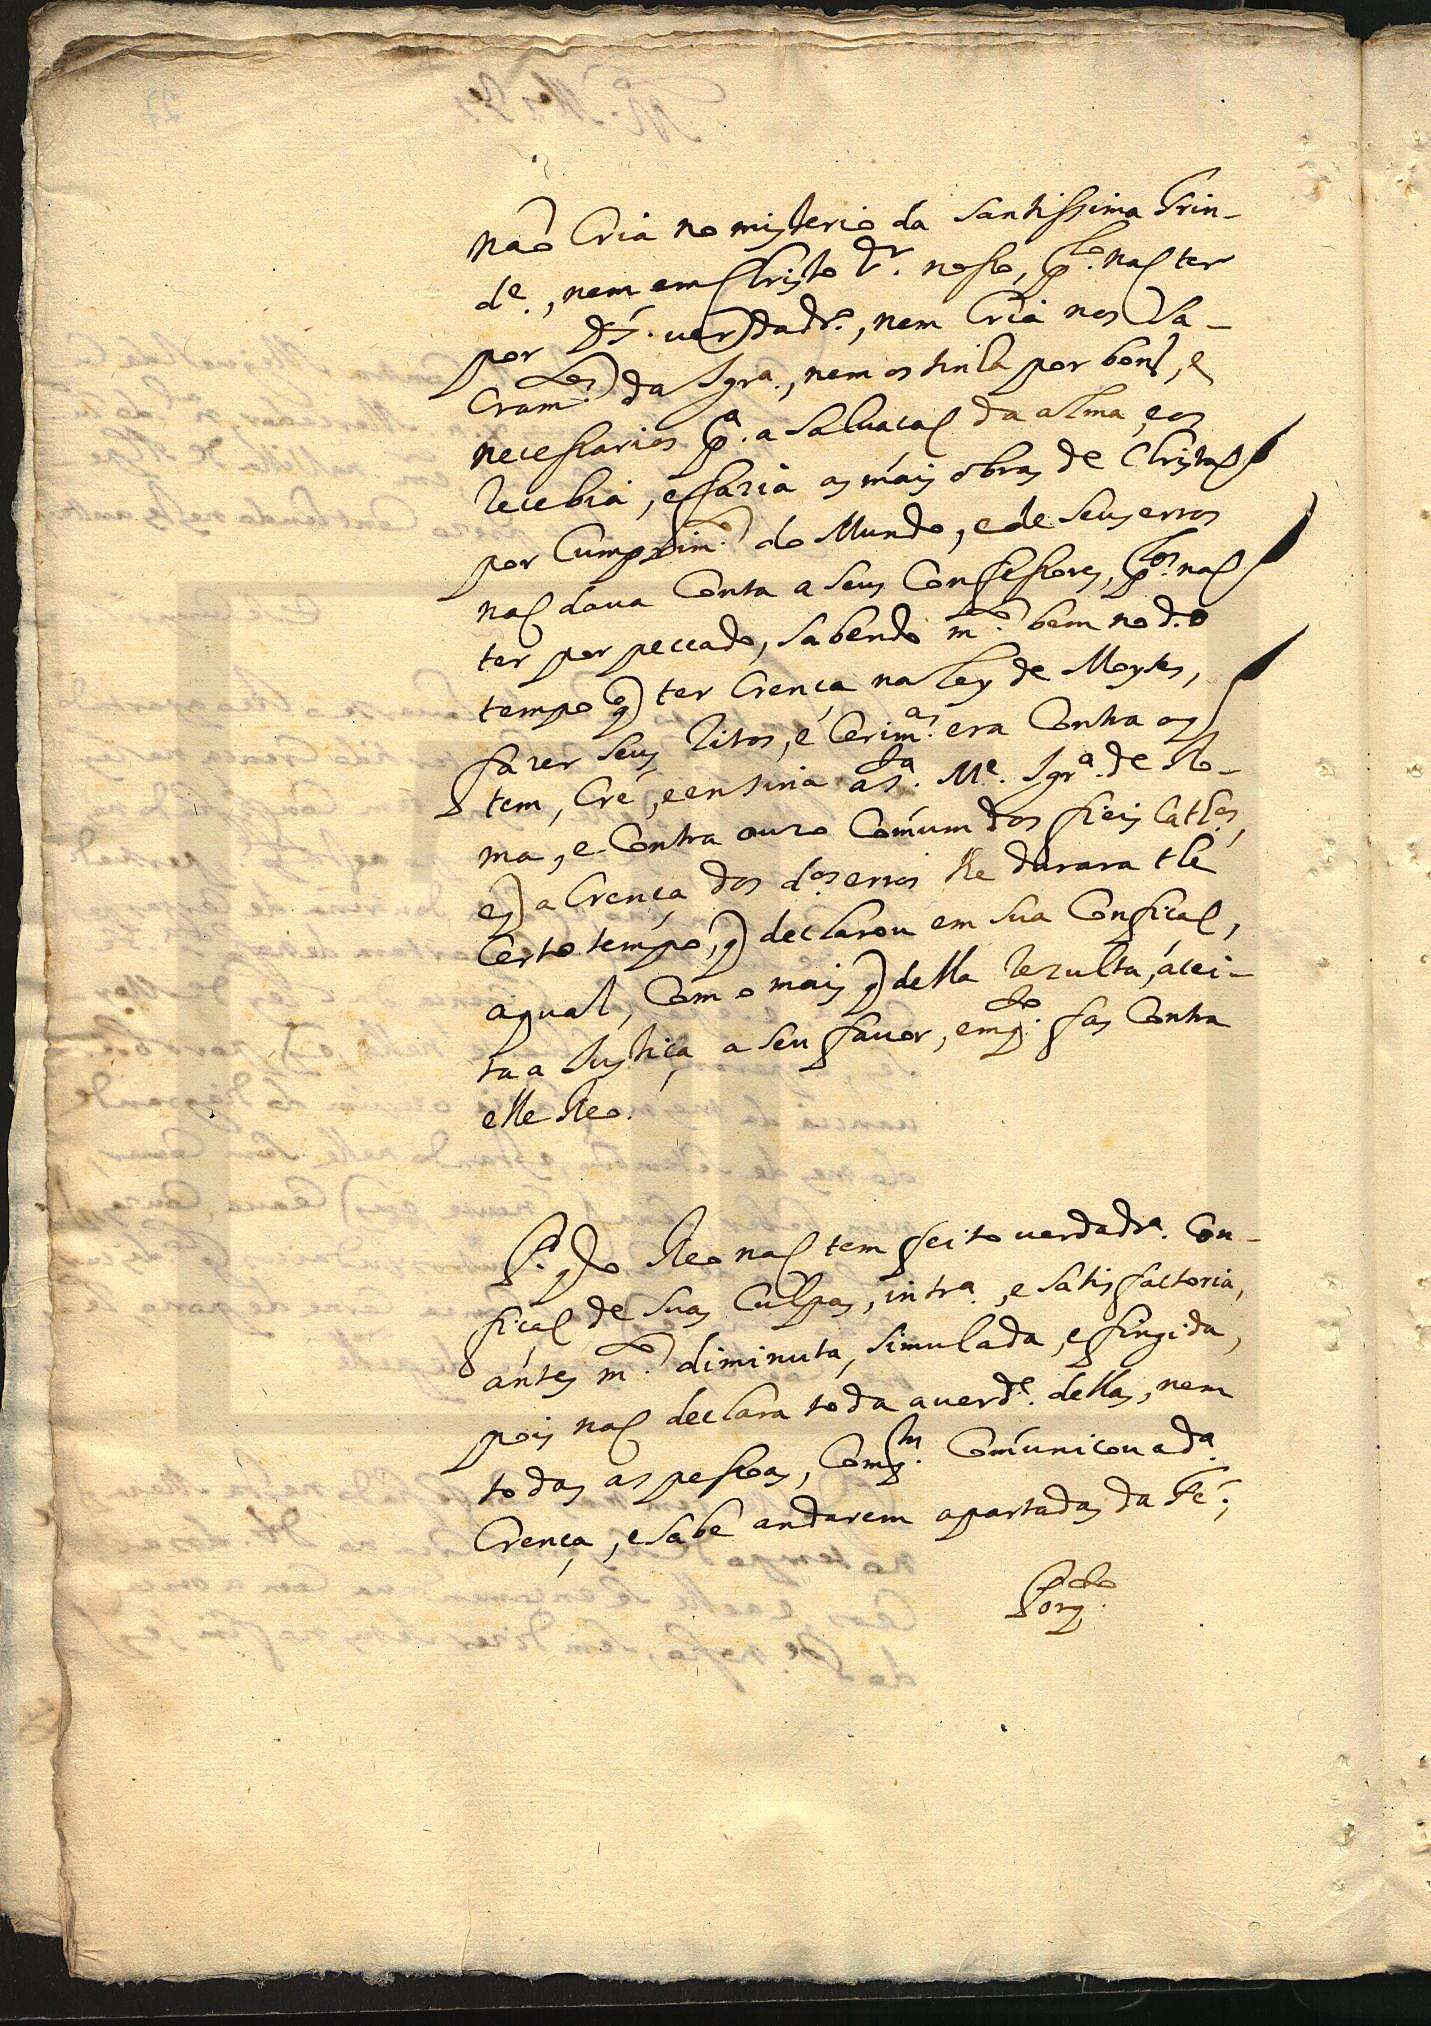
naõ Cria no misterio da Santissima Trin
de., nem em Christo sor. nosso, p.lo naꝭ ter
por Ds̄ uerdadr.o, nem Cria nos sa
cram.tos da Igra., nem os tinha por bons, e
necessarios p.a a saluaçaꝭ da alma, e os
Recebia, e fazia as mais obras de Christaꝭ
por Cumprim.to do Mundo, e de seus erros
naꝭ daua Conta a seus Confessores, p.los naꝭ
ter por peccado, sabendo m.to bem no d.o
tempo q̄ ter crença na ley de Moyses,
fazer seus Ritos, e Cerim.as era Contra o q̄
tem, Cre e ensina a s.ta Me. Igra de Ro
ma, e Contra o uzo Com̄um dos fieis Cath.os,
e q̄ a Crença dos d.os erros lhe durara the
Certo tempo, q̄ declarou em sua Confiçaꝭ,
a qual, Com o mais q̄ della Rezulta, acei
ta a Iustiça a seu fauor, emq.to fas Contra
elle Reo.
P. q̄ o Reo naꝭ tem feito uerdadra. con
fiçaꝭ de suas culpas, intra., e satisfactoria,
antes m.to diminuta, simulada, e fingida
pois naꝭ declara toda a uerd.e dellas, nem
todas as pessoas, Com q.m Com̄unicou a d.a
Crença, e Sabe andarem apartadas da Fé;
Porq.to
